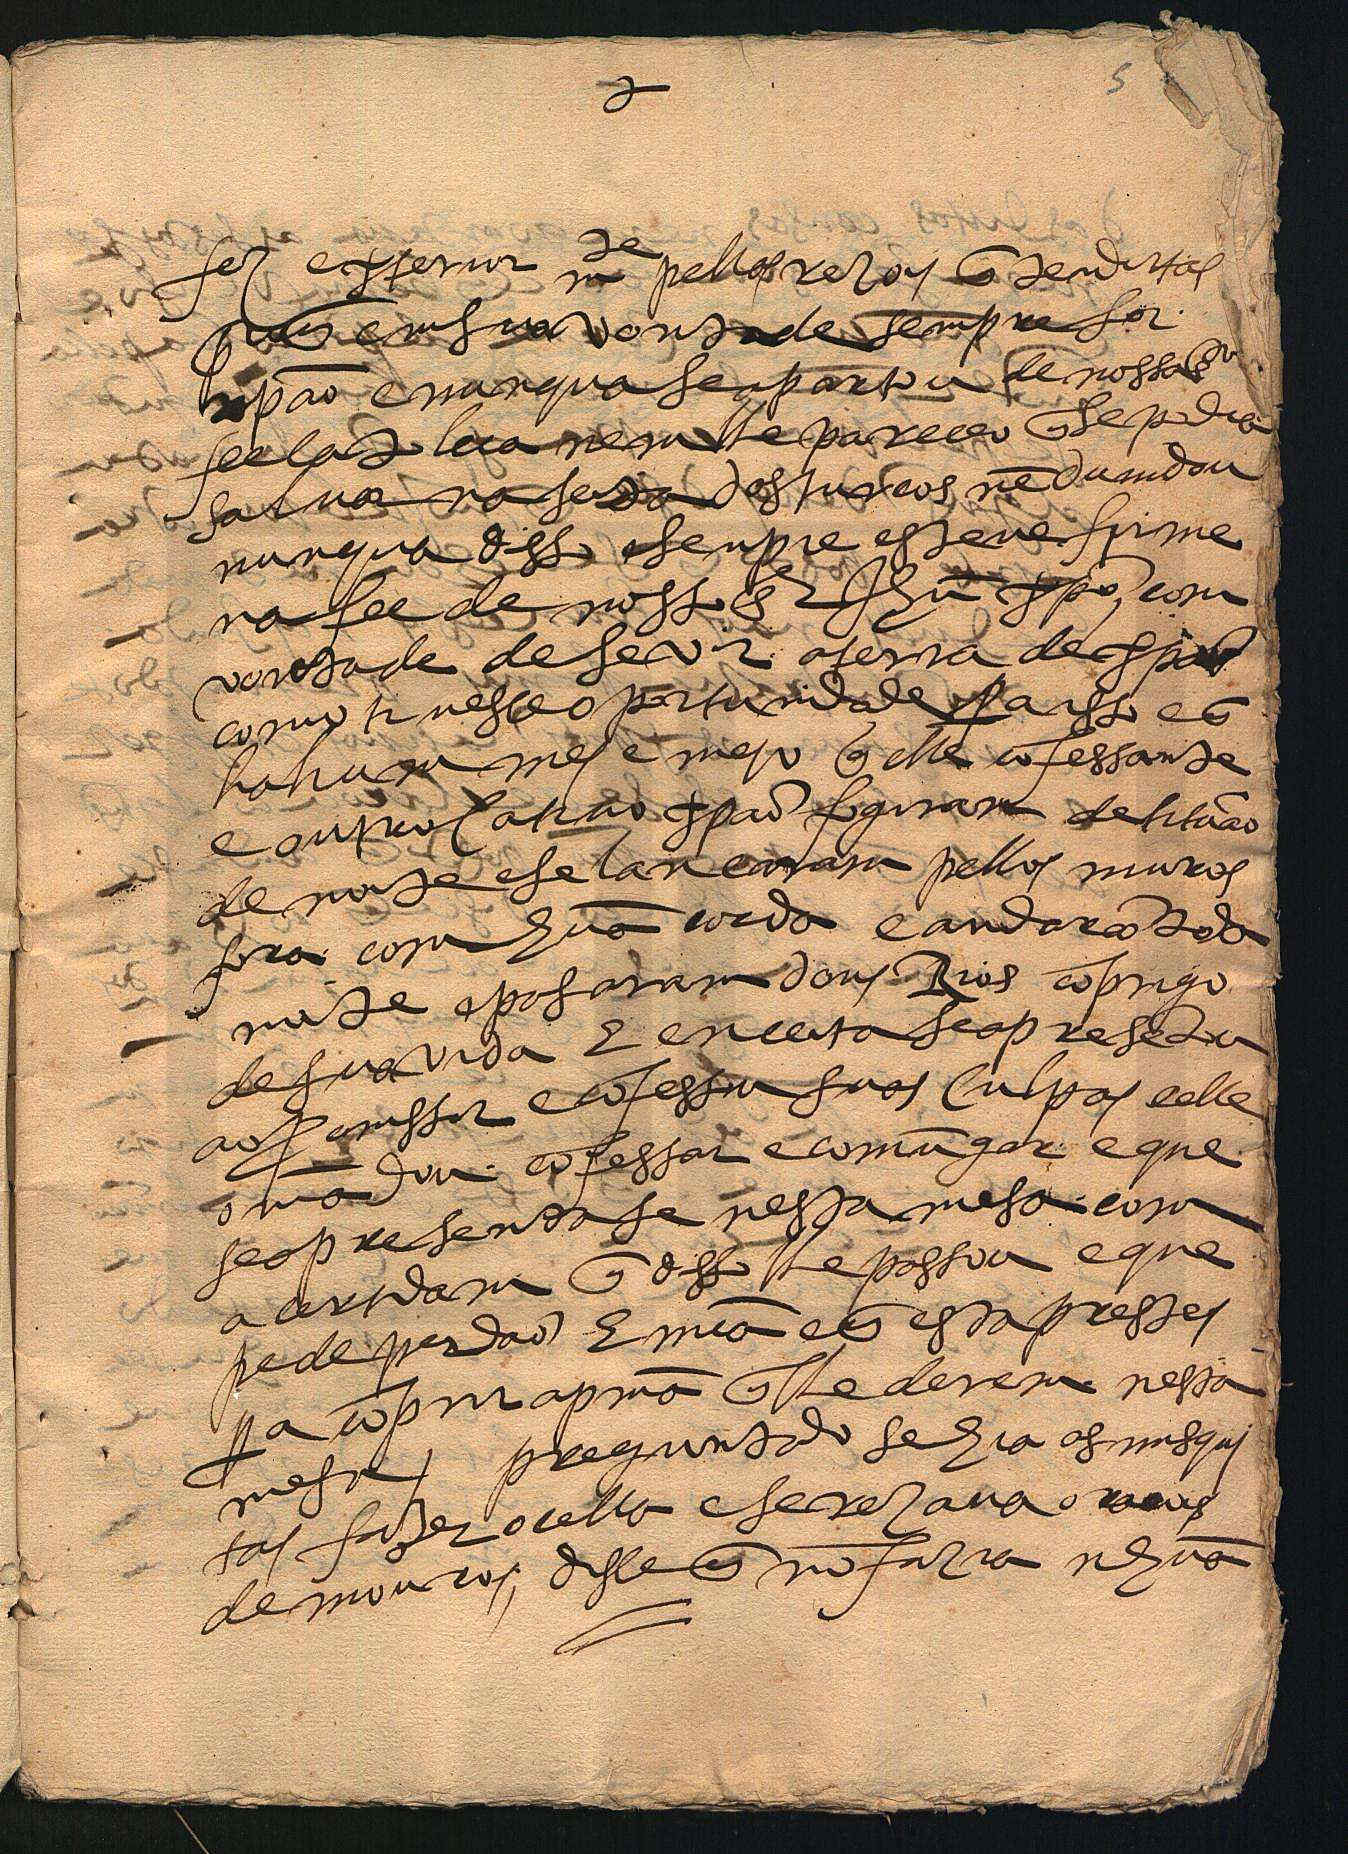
fez exteriormte pellas rezois q̄ ten dittas
p̄oq̄ em sua vontade sempre foj
xpão e nunqua se apartou de nossa sta
fee Catolica nem lhe pareceo q̄ se podia
saluar na seita dos turcos nē duuidou
nunqua disso e senpre esteue fjrme
na fee de nosso sor Jhū xpō, com
vontade de se vir a terra de xpaõs
como tiuesse oportunidade ꝑa isso e q̄
ha hum mes e mejo q̄ elle cōfessante
e outro Catiuo xpaõ fogiram de tituão
de noite e se lançaram pellos muros
fora com hūa corda e andaraõ toda
noite e pasaram dous Rios c̄o prigo
de sua vida E en ceita se apresētou
ao ꝓouissor e cōfessou suas Culpas e elle
o mādou cōfessar e comūgar e que
se apresentase nesta mesa com
a certidam q̄ disso lhe passou e que
pede perdaõ E mīa e q̄ esta prestes
ꝑa c̄oprir a pnīa q̄ lhe derem nesta
mesa / preguntado se hia as mesquj
tas fazer o cella e se rezaua oraçois
de mouros; disse q̄ nō fazia nhūa
